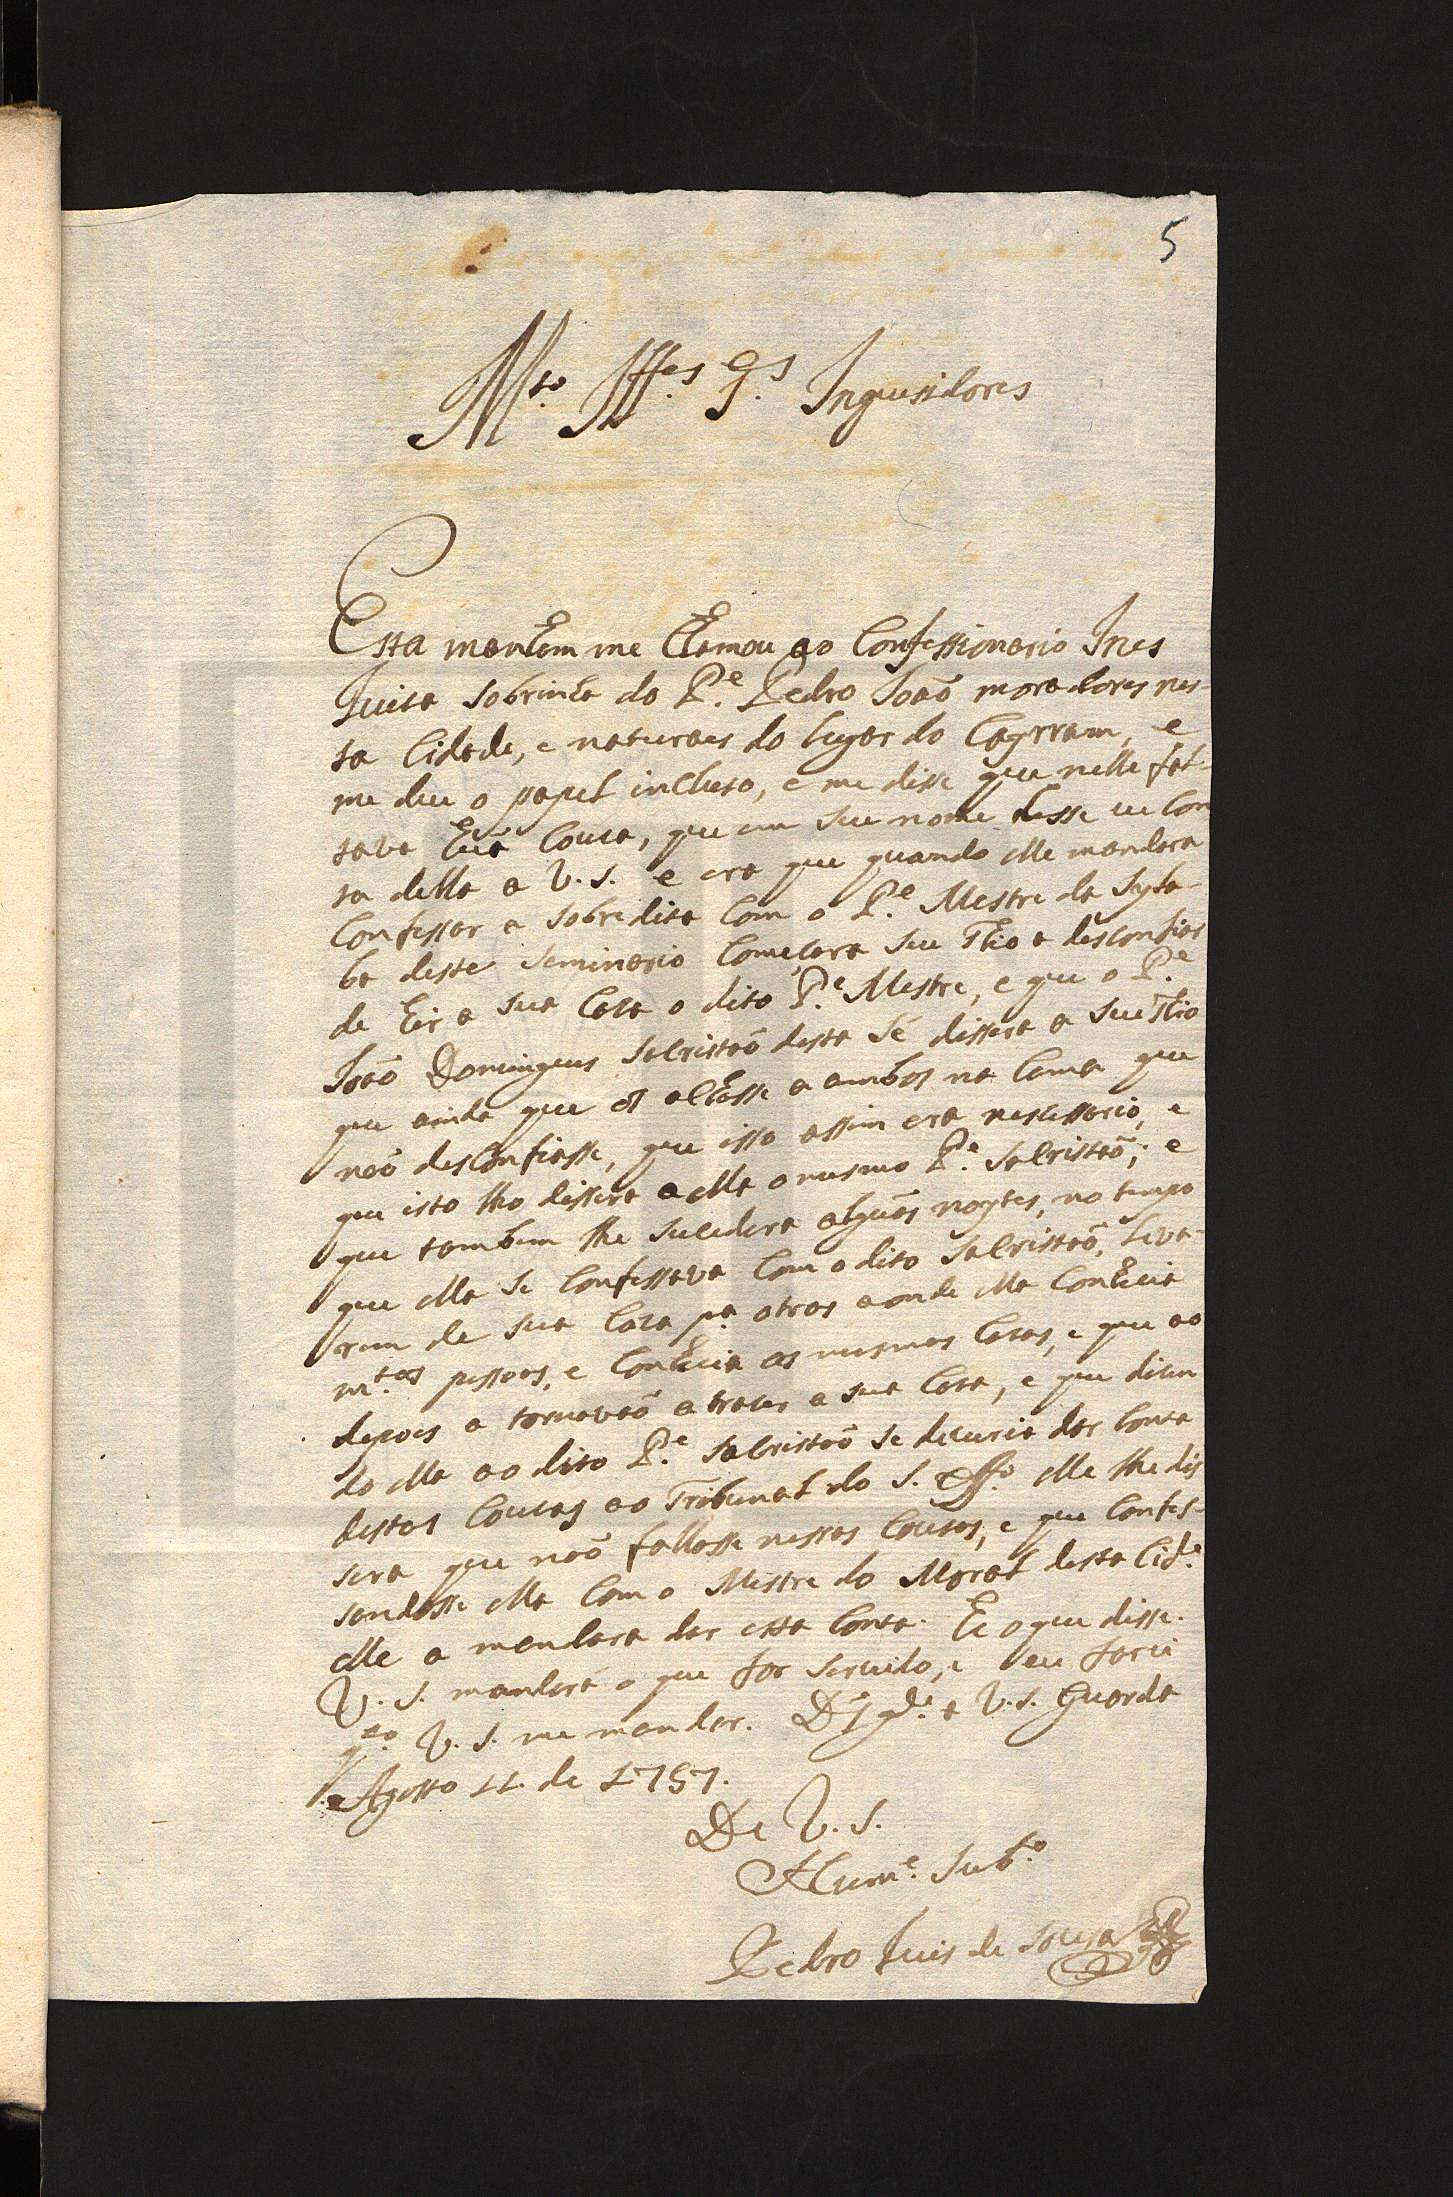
Mt.to Ill.es S.rs Inquisidores
Esta manham me Chamou ao Confessionario Ines
Luisa sobrinha do P.e Pedro Ioaõ moradores nes
ta Cidade, e naturaes do lugar do Cayrram, e
me deu o papel incluso, e me disse que nelle fal
tava huā Cousa, que em seu nome desse eu Con
ta della a V. s. e era que quando elle mandara
Confessar a sobredita Com o P.e Mestre da Syla
ba deste seminario Começara seu Thio a desconfiar
de hir a sua Caza o dito P.e Mestre, e que o P.e
Ioaõ Domingues sacristaõ desta Sé dissera a seu Thio
que ainda que os achasse a ambos na Cama que
naõ desconfiasse, que isso assim era nescessario, e
que isto lho dissera a ella o mesmo P.e SaCristaõ; e
que tambem lhe sucedera alguās noytes, no tempo
que ella se Confessava Com o dito sacristaõ, Leva
ram de sua Caza p.a otras aonde ella Conhecia
m.tas pessoas, e Conhecia as mesmas Cazas, e que ao
depois a tornavaõ a trazer a sua Caza, e que dizen
do ella ao dito P.e sacristaõ se decuria dar Conta
destas Couzas ao Tribunal do s. Off.o elle lhe dis
sera que naõ fallasse nessas Cousas, e que Confes
sandosse ella Com o Mestre do Moral desta Cid.e
elle a mandara dar esta Conta. he o que disse.
V. s. mandará o que for seruido, e eu farei
q.to V. s. me mandar. Ds̄ g.e a V. S. Guarda
Agosto 11. de 1757.
De V. s.
Hum.e sub̄.o
Pedro Luis de Souza
